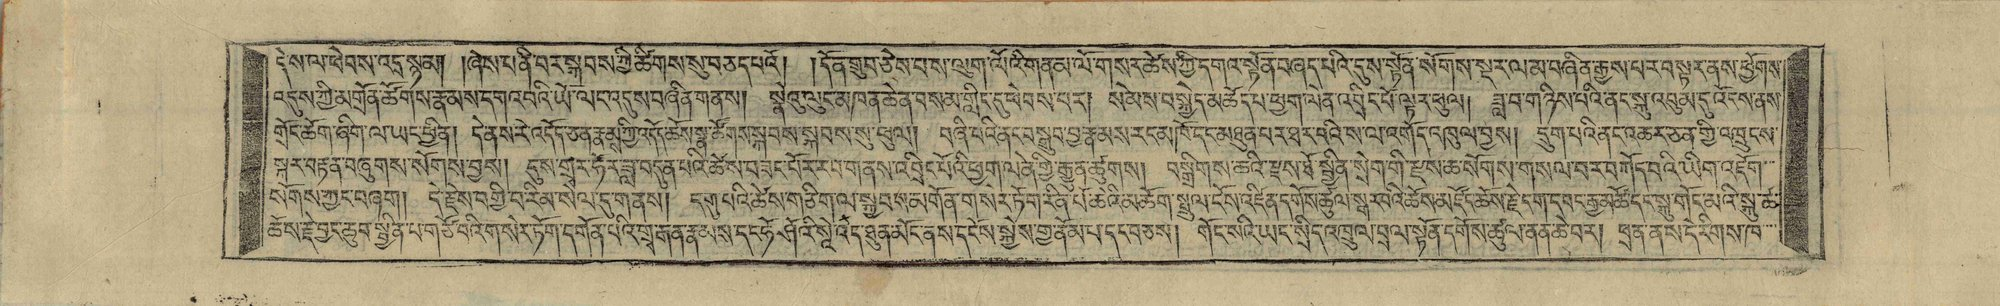དེས་ལ་ཕེབས་འདྲ་སྙམ། །ཞེས་པ་ནི་བར་སྐབས་ཀྱི་ཚིགས་སུ་བཅད་པའོ། །དོན་གྲུབ་ཅེས་པ་ས་ལུག་ལོའི་གནམ་ལོ་གསར་ཚེས་ཀྱི་དགའ་སྟོན་བཞད་པའི་དུས་སྟོན་སོགས་སྔར་ལམ་བཞིན་རྒྱས་པར་བསྟར་ནས་ཕྱོགས་
འདུས་ཀྱི་མགྲོན་ཚོགས་རྣམས་དགའ་བའི་ཡོ་ལང་འདུས་བཞིན་གནས། སྣེའུ་ལུང་མཁན་ཆེན་བསམ་གླིང་དུ་ཕེབས་པར། སེམས་བསྐྱེད་མཆོད་པ་ཕྱག་ལེན་འབྲིང་པོ་ལྟར་ཕུལ། ཟླ་བ་གཉིས་པའི་ནང་སྐུ་འབུམ་དུ་འོངས་ནས་
གྲོང་ཆོག་ཞིག་ལ་ཡང་ཕྱིན། དེ་ནས་རེ་འདོད་ཅན་རྣམས་ཀྱི་འདོད་ཆོས་སྣ་ཚོགས་སྐབས་སྐབས་སུ་ཕུལ། བཞི་བའི་ནང་བསྒྲུབ་བྱ་རྣམས་རང་མཁོ་དང་མཐུན་པར་ཐར་པའི་ས་ལ་འགོད་འཁུལ་བྱས། དྲུག་པའི་ནང་འཆར་ཅན་གྱི་འཁྲུངས་
སྐར་བརྟན་བཞུགས་སོགས་བྱས། དུས་གྲྭར་ཧོར་ཟླ་བདུན་པའི་ཚེས་བཟང་པོར་རབ་གནས་འབྲིང་པོའི་ཕྱག་ལེན་གྱི་རྒྱུན་ཚུགས། བསྒྲིགས་ཆའི་རྫས་ཐོ་སྦྱིན་སྲེག་གི་རྫས་ཆ་སོགས་གསལ་བར་བཀོད་པའི་ཡིག་འཇོག་
སོགས་ཀྱང་བཞག །དེ་རྗེས་བགྱི་བ་རིམ་སེལ་དུ་གནས། དགུ་པའི་ཚེས་གཅིག་ལ་སྐྱབས་མགོན་གསེར་ཏོག་རིན་པོ་ཆེའི་མཆོག་སྤྲུལ་ངོས་འཛིན་དགོས་ཚུལ་སྒར་བའི་ཆོས་མཛོད་ཆོས་རྗེ་ངག་དབང་རྒྱ་མཚོ་དང་སྐུ་གོང་མའི་སྐུ་ཚ་
ཆོས་རྗེ་བྱང་ཆུབ་སྦྱིན་པ་གཙོ་བའི་གསེར་ཏོག་དགོན་པའི་གྲྭ་རྒན་རྣམས་དང་ཧོ་ཤོའི་སE་འོད་ཐུན་མོང་ནས་དངོས་སྐྱེས་གྱ་ནོམ་པ་དང་བཅས། གོང་སའི་ཡང་སྲིད་འཁྲུལ་བྲལ་སྟོན་དགོས་ཚུལ་ནན་ཆེ་བར། ཕྲན་ནས་དེ་རིགས་ཁ་